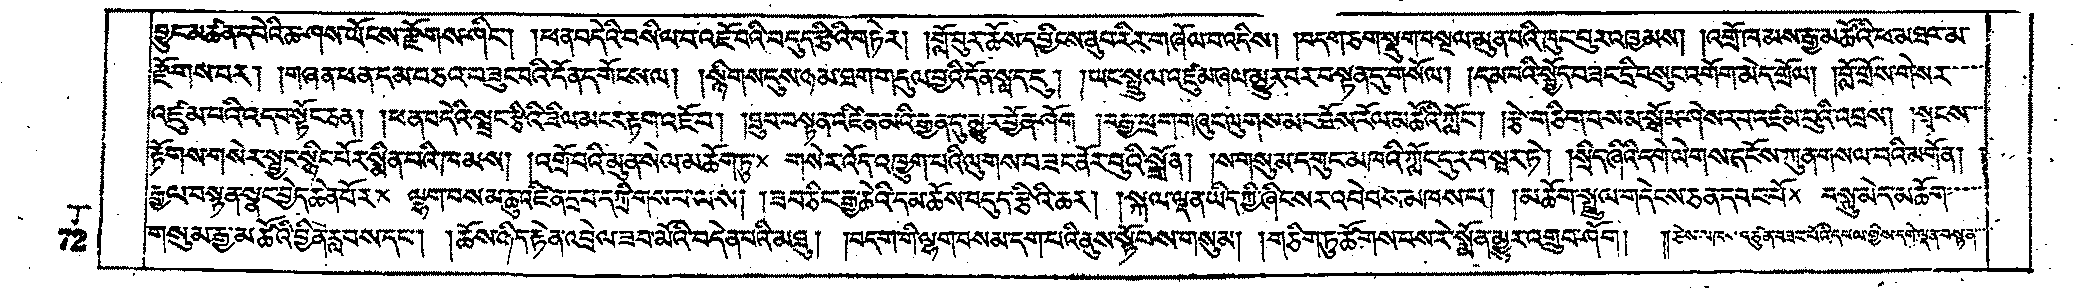བྱུང་མཚན་དཔེའི་ཆ་ཤས་ཡོངས་རྫོགས་ཤིང་། །ཕན་བདེའི་བསིལ་བ་འཇོ་བའི་བདུད་རྩིའི་གཏེར། །གློ་བུར་ཆོས་དབྱིངས་ནུབ་རིར་གཞོལ་བ་འདིས། །བདག་ཅག་སྡུག་བསྔལ་མུན་པའི་ཁུང་བུར་འཁྱམས། །འགྲོ་ཁམས་རྒྱ་མཚོའི་ཕ་མཐའ་མ་
རྫོགས་བར། །གཞན་ཕན་དམ་བཅའ་བཟུང་བའི་དོན་དགོངས་ལ། །སྙིགས་དུས་ཉམ་ཐག་གདུལ་བྱའི་དོན་སླད་དུ། །ཡང་སྤྲུལ་འཛུམ་ཞལ་མྱུར་བར་བསྟན་དུ་གསོལ། །དམ་པའི་སྤྱོད་བཟང་དྲི་བསུང་འགོག་མེད་གྲོལ། །བློ་གྲོས་གེ་སར་་་
འཛུམ་པའི་འདབ་སྟོང་ཅན། །ཕན་བདེའི་སྦྲང་རྩིའི་ཟིལ་མངར་རྟག་འཇོ་བ། །ཐུབ་བསྟན་འཛིན་མའི་རྒྱན་དུ་མྱུར་བྱོན་ཤོག །བརྒྱ་ཕྲག་གཞུང་ལུགས་མང་ཐོས་རོལ་མཚོའི་ཀློང་། །རྩེ་གཅིག་བསམ་སྒོམ་ཤེས་རབ་འཛམ་བུའི་འབྲས། །སྤངྶ་་་
རྟོགས་གསེར་སྦྱང་སྙིང་པོར་སྨིན་པའི་ཁམས། །འགྲོ་བའི་མུན་སེལ་མཆོག་ཏུ་྾་གསེར་འོད་འཁྱུག་པའི་ལུགས་བཟང་ནོར་བུའི་སྒྲོན། །ས་གསུམ་དགུང་མཁའི་ཀློང་དུ་རབ་སྦར་ཏེ། །སྲིད་ཞིའི་དགེ་ལེགས་དངོས་ཀུན་གསལ་བའི་མགོན། །
རྒྱལ་བསྟན་སྣང་བྱེད་ཆེན་པོར་྾་ལྷག་བསམ་ཆུ་འཛིན་དྲ་བ་དཀྲིགས་པ་ལས། །ཟབ་ཅིང་རྒྱ་ཆེའི་དམ་ཆོས་བདུད་རྩིའི་ཆར། །སྐལ་ལྡན་ཡིད་ཀྱི་ཞིང་སར་འབེབས་མཁས་པ། །མཆོག་སྤྲུལ་གདེངས་ཅན་དབང་པོ་྾་བསླུ་མེད་མཆོག་་་
གསུམ་རྒྱ་མཚོའི་བྱིན་རླབས་དང་། །ཆོས་ཉིད་རྟེན་འབྲེལ་ཟབ་མོའི་བདེན་པའི་མཐུ། །བདག་གི་ལྷག་བསམ་དག་པའི་ནུས་སྟོབས་གསུམ། །གཅིག་ཏུ་ཚོགས་པས་རེ་སྨོན་མྱུར་འགྲུབ་ཤོག། །།ཅེས་མཁས་བཙུན་བཟང་པོའི་དཔལ་གྱིས་དགེ་ལྡན་བསྟན་་་